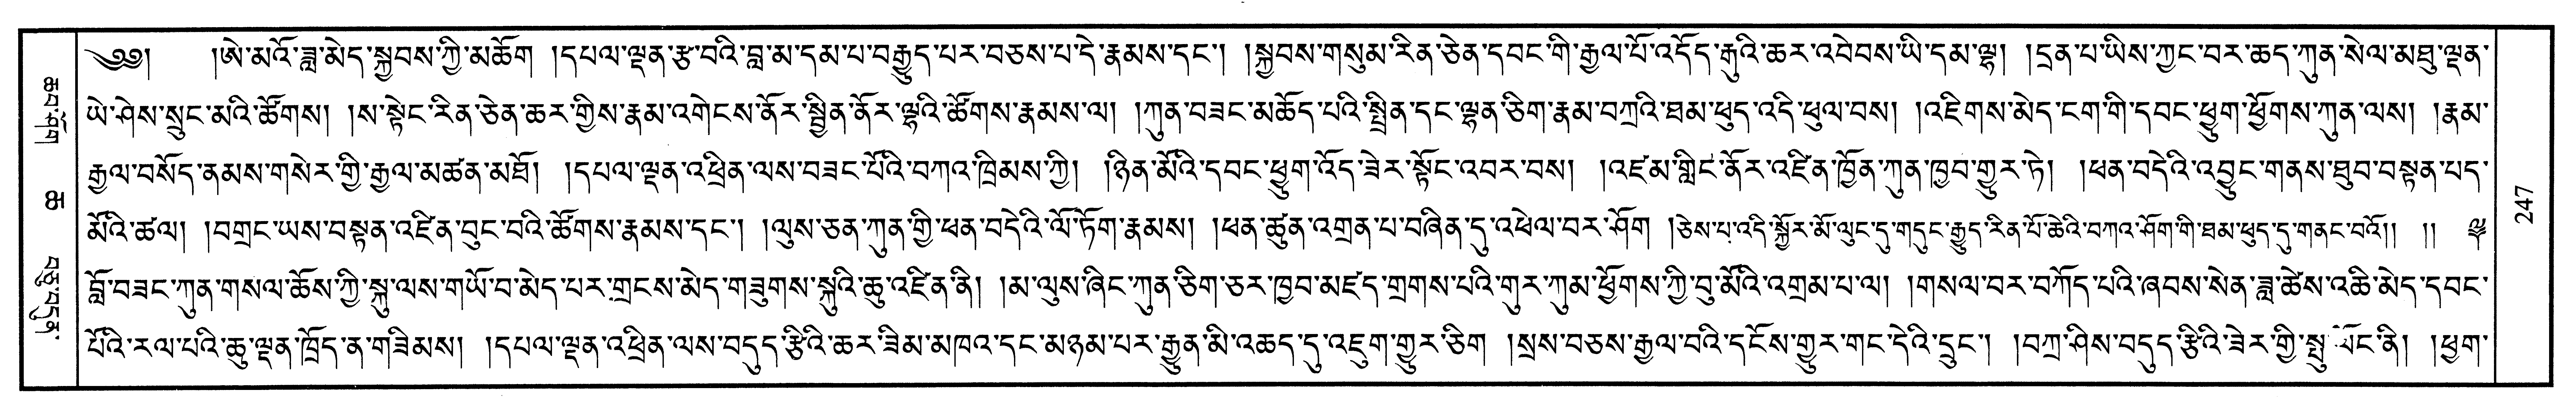༄༅། །ཨེ་མའོ་ཟླ་མེད་སྐྱབས་ཀྱི་མཆོག །དཔལ་ལྡན་རྩ་བའི་བླ་མ་དམ་པ་བརྒྱུད་པར་བཅས་པ་དེ་རྣམས་དང་། །སྐྱབས་གསུམ་རིན་ཅེན་དབང་གི་རྒྱལ་པོ་འདོད་རྒུའི་ཆར་འབེབས་ཡི་དམ་ལྷ། །དྲན་པ་ཡིས་ཀྱང་བར་ཆད་ཀུན་སེལ་མཐུ་ལྡན་
ཡེ་ཤེས་སྲུང་མའི་ཚོགས། །ས་སྟེང་རིན་ཅེན་ཆར་གྱིས་རྣམ་འགེངས་ནོར་སྦྱིན་ནོར་ལྷའི་ཚོགས་རྣམས་ལ། །ཀུན་བཟང་མཆོད་པའི་སྤྲིན་དང་ལྷན་ཅིག་རྣམ་བཀྲའི་ཐམ་ཕུད་འདི་ཕུལ་བས། །འཇིགས་མེད་ངག་གི་དབང་ཕྱུག་ཕྱོགས་ཀུན་ལས། །རྣམ་
རྒྱལ་བསོད་ནམས་གསེར་གྱི་རྒྱལ་མཚན་མཐོ། །དཔལ་ལྡན་འཕྲིན་ལས་བཟང་པོའི་བཀའ་ཁྲིམས་ཀྱི། །ཉིན་མོའི་དབང་ཕྱུག་འོད་ཟེར་སྟོང་འབར་བས། །འཛམ་གླིང་ནོར་འཛིན་ཁྱོན་ཀུན་ཁྱབ་གྱུར་ཏེ། །ཕན་བདེའི་འབྱུང་གནས་ཐུབ་བསྟན་པད་
མོའི་ཚལ། །བགྲང་ཡས་བསྟན་འཛིན་བུང་བའི་ཚོགས་རྣམས་དང་། །ལུས་ཅན་ཀུན་གྱི་ཕན་བདེའི་ལོ་ཏོག་རྣམས། །ཕན་ཚུན་འགྲན་པ་བཞིན་དུ་འཕེལ་བར་ཤོག །ཅེས་པ་འདི་སྐྱོར་མོ་ལུང་དུ་གདུང་རྒྱུད་རིན་པོ་ཆེའི་བཀའ་ཤོག་གི་ཐམ་ཕུད་དུ་གནང་བའོ།། །། ༈ བློ་
བཟང་ཀུན་གསལ་ཆོས་ཀྱི་སྐུ་ལས་གཡོ་བ་མེད་པར་གྲངས་མེད་གཟུགས་སྐུའི་ཆུ་འཛིན་ནི། །མ་ལུས་ཞིང་ཀུན་ཅིག་ཅར་ཁྱབ་མཛད་གྲགས་པའི་གུར་ཀུན་ཕྱོགས་ཀྱི་བུ་མོའི་འགྲམ་པ་ལ། །གསལ་བར་བཀོད་པའི་ཞབས་སེན་ཟླ་ཚེས་འཆི་མེད་དབང་
པོའི་རལ་པའི་ཆུ་ལྡན་ཁྲོད་ན་གཟིམས། །དཔལ་ལྡན་འཕྲིན་ལས་བདུད་རྩིའི་ཆར་ཟིམ་མཁའ་དང་མཉམ་པར་རྒྱུན་མི་འཆད་དུ་འཇུག་གྱུར་ཅིག །སྲས་བཅས་རྒྱལ་བའི་དངོས་གྱུར་གང་དེའི་དྲུང་། །བཀྲ་ཤིས་བདུད་རྩིའི་ཟེར་གྱི་སྤུ་ལོང་ནི། །ཕྱག་